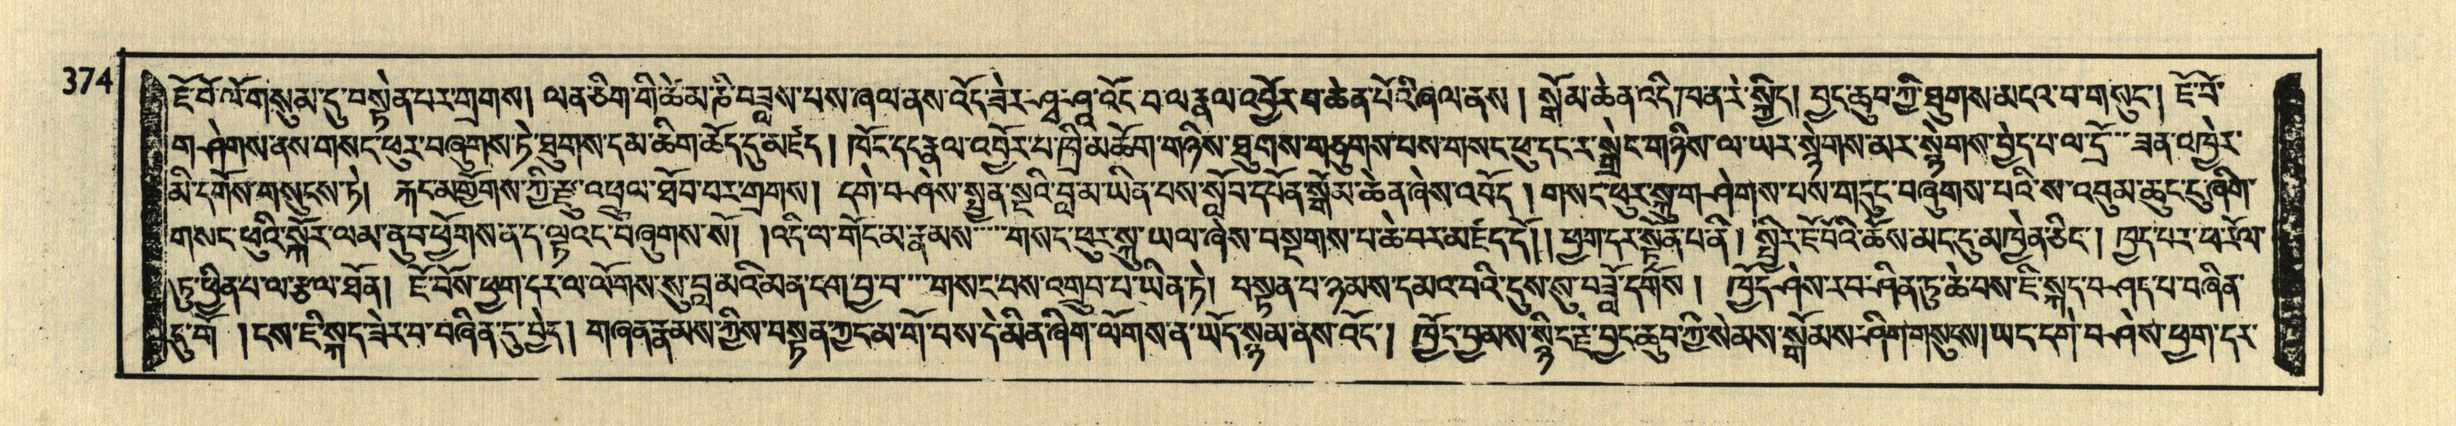ཇོ་བོ་ལོ་གསུམ་དུ་བསྟེན་པར་གྲགས། ལན་ཅིག་གི་ཚེ་མ་ཎི་བཟླས་པས་ཞལ་ནས་འོད་ཟེར་ཤྭ་ཤཱ་འོང་བ་ལ་རྣལ་འབྱོར་བ་ཆེན་པོའི་ཞལ་ནས། སྒོམ་ཆེན་འདི་ཁ་ན་རེ་སྐྱིད། བྱང་ཆུབ་ཀྱི་ཐུགས་མངའ་བ་གསུང་། ཇོ་བོ་
གཤེགས་ནས་གསང་ཕུར་བཞུགས་ཏེ་ཐུགས་དམ་ཚིག་ཆོད་དུ་མཛད། ཁོང་དང་རྣལ་འབྱོར་པ་ཁྲི་མཆོག་གཉིས་ཐུགས་གཅུགས་པས་གསང་ཕུ་དང་ར་སྒྲེང་གཉིས་ལ་ཡར་སྙེགས་མར་སྙེགས་བྱེད་པ་ལ་དྲོ་ཟན་འཁྱེར་
མི་དགོས་གསུངས་ཏེ། རྐང་མགྱོགས་ཀྱི་རྫུ་འཕྲུལ་ཐོབ་པར་གྲགས། དགེ་བཤེས་སྤྱན་སྔའི་བླ་མ་ཡིན་པས་སློབ་དཔོན་སྒོམ་ཆེན་ཞེས་འབོད། གསང་ཕུར་སྐུ་གཤེགས་པས་གདུང་བཞུགས་པའི་ས་འབུམ་ཆུང་ངུ་ཞིག་
གསང་ཕུའི་སྐོར་ལམ་ནུབ་ཕྱོགས་ན་ད་ལྟའང་བཞུགས་སོ། །འདི་ལ་གོང་མ་རྣམས་གསང་ཕུར་སྐུ་ཡལ་ཞེས་བསྔགས་པ་ཆེ་བར་མཛད་དོ། །ཕྱག་དར་སྟོན་པ་ནི། སྤྱིར་ཇོ་བོའི་ཆོས་མང་དུ་མཁྱེན་ཅིང་། ཁྱད་པར་ཕ་རོལ་
ཏུ་ཕྱིན་པ་ལ་རྩལ་ཐོན། ཇོ་བོས་ཕྱག་དར་ལ་ལོགས་སུ་བླ་མའི་མན་ངག་བྱ་བ་གསང་བས་འགྲུབ་པ་ཡིན་ཏེ། བསྟན་པ་ཉམས་དམའ་བའི་དུས་སུ་བཟློ་དགོས། ཁྱོད་ཤེས་རབ་ཤིན་ཏུ་ཆེ་བས་ཇི་སྐད་བཤད་པ་བཞིན་
དུ་གོ །ངས་ཇི་སྐད་ཟེར་བ་བཞིན་དུ་བྱེད། གཞན་རྣམས་ཀྱིས་བསྟན་ཀྱང་མ་གོ་བས་དེ་མིན་ཞིག་ལོགས་ན་ཡོད་སྙམ་ནས་འོང་། ཁྱོད་བྱམས་སྙིང་རྗེ་བྱང་ཆུབ་ཀྱི་སེམས་སྒོམས་ཤིག་གསུངས། ཡང་དགེ་བཤེས་ཕྱག་དར་